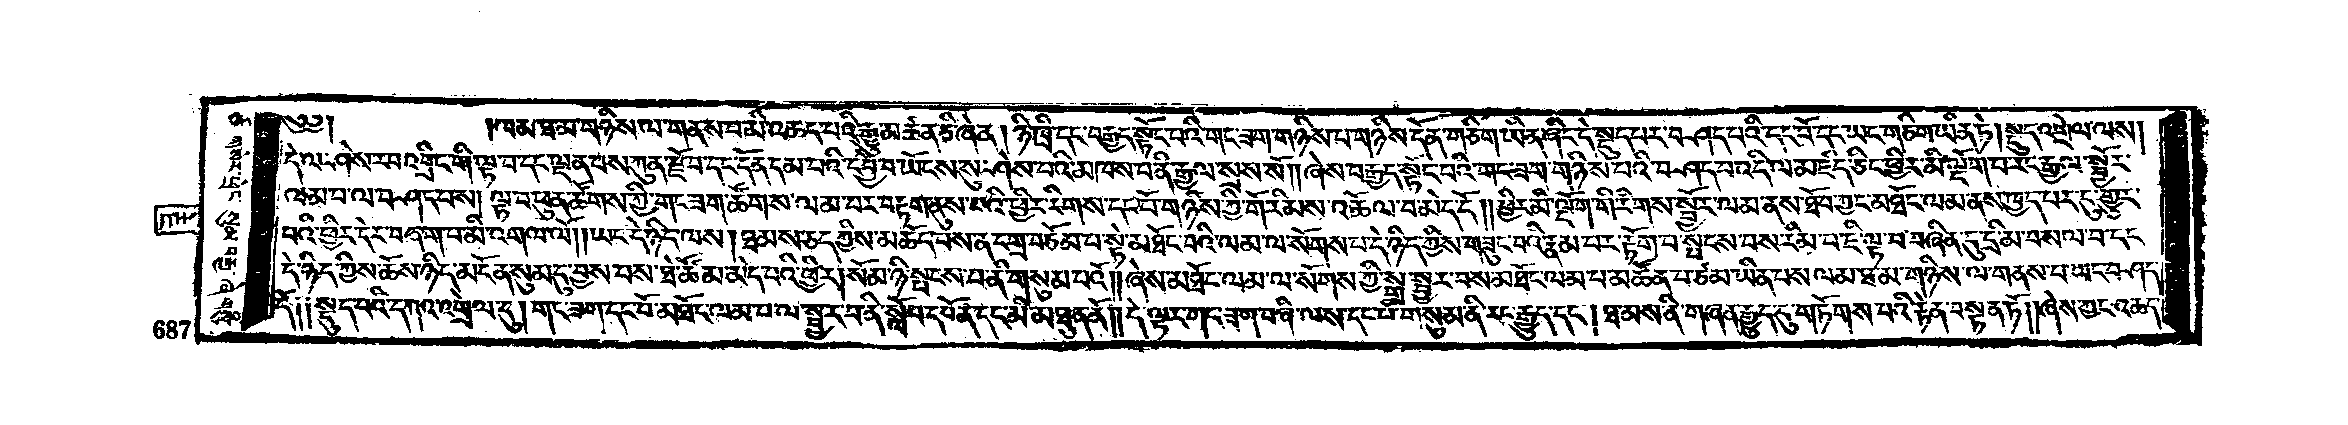༄༅། །ལམ་ཐ་མ་གཉིས་ལ་གནས་པ་མི་འཆད་པའི་རྒྱུ་མཚན་ཅི་ཞེ་ན། ཉི་ཁྲི་དང་བརྒྱད་སྟོང་པའི་གང་ཟག་གཉིས་པ་གཉིས་དོན་གཅིག་ཡིན་ཞིང་དེ་སྡུད་པར་བཤད་པའི་དང་པོ་དང་ཡང་གཅིག་ཡིན་ཏེ། སྡུད་འགྲེལ་ལས།
དེ་ལ་ཤེས་རབ་འབྲིང་གི་ལྟ་བ་དང་ལྡན་པས་ཀུན་རྫོབ་དང་དོན་དམ་པའི་དབྱེ་བ་ཡོངས་སུ་ཤེས་པའི་མཁས་པ་ནི་རྒྱལ་སྲས་སོ། །ཞེས་བརྒྱད་སྟོང་པའི་གང་ཟག་གཉིས་པའི་བཤད་པ་འདི་ལ་མཛད་ཅིང་ཕྱིར་མི་ལྡོག་པ་རང་རྒྱལ་སྦྱོར་
ལམ་པ་ལ་བཤད་པས། ལྟ་བ་ཕུན་ཚོགས་ཀྱི་གང་ཟག་ཚོགས་ལམ་པར་བརྟག་ནུས་པའི་ཕྱིར་རིགས་དང་པོ་གཉིས་ཀྱི་གོ་རིམས་འཆོལ་བ་མེད་དོ། །ཕྱིར་མི་ལྡོག་གི་རིགས་སྦྱོར་ལམ་ནས་ཐོབ་ཀྱང་མཐོང་ལམ་ནས་ཁྱད་པར་དུ་གྱུར་
པའི་ཕྱིར་དེར་བཞག་པ་མི་འགལ་ལོ། །ཡང་དེ་ཉིད་ལས། ཐམས་ཅད་ཀྱིས་མཆོད་པས་ན་དགྲ་བཅོམ་པ་སྟེ་མཐོང་བའི་ལམ་ལ་སོགས་པ་དེ་ཉིད་ཀྱིས་གཟུང་བའི་རྣམ་པར་རྟོག་པ་སྤངས་པས་རིམ་པ་ཇི་ལྟ་བ་བཞིན་དུ་དྲི་མ་བསལ་བ་དང་
དེ་ཉིད་ཀྱིས་ཆོས་ཉིད་མངོན་སུམ་དུ་བྱས་པས་ཐེ་ཚོམ་མེད་པའི་ཕྱིར། སོམ་ཉི་སྤངས་པ་ནི་གསུམ་པའོ། །ཞེས་མཐོང་ལམ་ལ་སོགས་ཀྱི་སྒྲ་སྦྱར་བས་མཐོང་ལམ་པ་མཚོན་པ་ཙམ་ཡིན་པས་ལམ་ཐ་མ་གཉིས་ལ་གནས་པ་ཡང་བཤད་
དོ༑ ༑སྡུད་པའི་དཀའ་འགྲེལ་དུ། གང་ཟག་དང་པོ་མཐོང་ལམ་པ་ལ་སྦྱར་བ་ནི་སློབ་དཔོན་དང་མི་མཐུན་ནོ། །དེ་ལྟར་གང་ཟག་བཞི་ལས་དང་པོ་གསུམ་ནི་རང་རྒྱུད་དང་། ཐ་མས་ནི་གཞན་རྒྱུད་དུ་གཏོགས་པའི་རྟེན་བསྟན་ཏོ། །ཞེས་ཀྱང་འཆད་